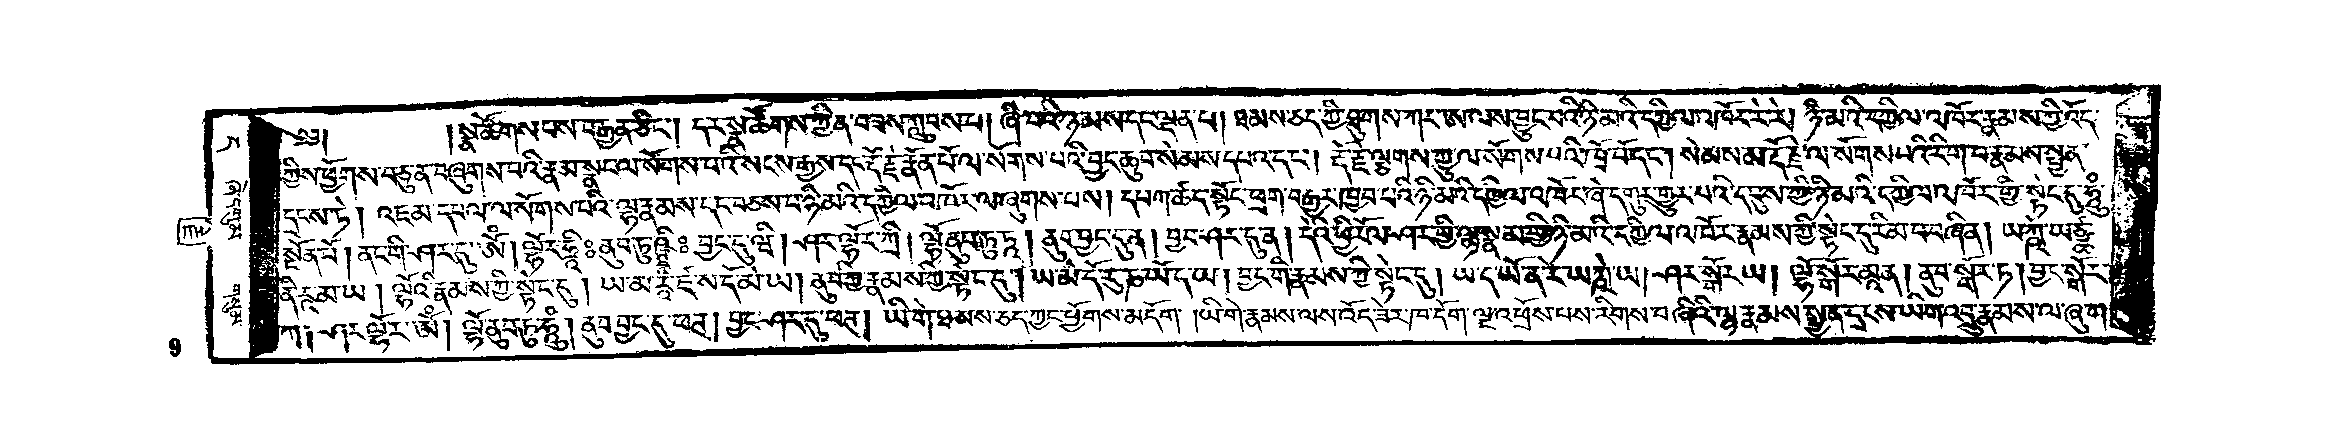༄༅། །སྣ་ཚོགས་པས་བརྒྱན་ཅིང་། དར་སྣ་ཚོགས་ཀྱིན་བཟས་ཀླུབས་པ། ཞི་བའི་ཉམས་དང་ལྡན་པ། ཐམས་ཅད་ཀྱི་ཐུགས་ཀར་ཨ་ལས་བྱུང་བའི་ཉི་མའི་དཀྱིལ་འཁོར་རེ་རེ། ཉི་མའི་དཀྱིལ་འཁོར་རྣམས་ཀྱི་འོད་
ཀྱིས་ཕྱོགས་བཅུ་ན་བཞུགས་པའི་རྣམ་སྣང་ལ་སོགས་པའི་སངས་རྒྱས་དང་རྡོ་རྗེ་རྣོན་པོ་ལ་སོགས་པའི་བྱང་ཆུབ་སེམས་དཔའ་དང་། རྡོ་རྗེ་ལྕགས་ཀྱུ་ལ་སོགས་པའི་ཁྲོ་བོ་དང་། སེམས་མ་རྡོ་རྗེ་ལ་སོགས་པའི་རིག་པ་རྣམས་སྤྱན་
དྲངས་ཏེ། འཇམ་དཔལ་ལ་སོགས་པའི་ལྷ་རྣམས་དང་བཅས་པ་ཉི་མའི་དཀྱིལ་འཁོར་ལ་ཞུགས་པས། དཔག་ཚད་སྟོང་ཕྲག་བརྒྱར་ཁྱབ་པའི་ཉི་མའི་དཀྱིལ་འཁོར་ཞེ་དགུར་གྱུར་པའི་དབུས་ཀྱི་ཉི་མའི་དཀྱིལ་འཁོར་གྱི་སྟེང་དུ་ཧཱུཾ་
སྔོན་པོ། ནང་གི་ཤར་དུ་ཨོཾ། ལྷོར་ཧྲཱིཿ ནུབ་ཏུ་ཥྚྭཱིཿ བྱང་དུ་ཝི། ཤར་ལྷོར་ཀྲི། ལྷོ་ནུབ་ཏུ་ཏཱ། ནུབ་བྱང་དུ་ན། བྱང་ཤར་དུ་ན། དེའི་ཕྱི་རོལ་ཤར་གྱི་ལྷ་སྣམ་གྱི་ཉི་མའི་དཀྱིལ་འཁོར་རྣམས་ཀྱི་སྟེང་དུ་རིམ་པ་བཞིན། ཡཀྵི་ཡཙྪ་
ནི་རཱ་མ་ཡ། ལྷོའི་རྣམས་ཀྱི་སྟེང་དུ། ཡ་མ་རཱ་ཛ་ས་དོ་མེ་ཡ། ནུབ་ཀྱི་རྣམས་ཀྱི་སྟེང་དུ། ཡ་མེ་དོ་རུ་ཎ་ཡོ་ད་ཡ། བྱང་གི་རྣམས་ཀྱི་སྟེང་དུ། ཡ་ད་ཡོ་ན་རེ་ཡཀྵེ་ཡ། ཤར་སྒོར་ཡ། ལྷོ་སྒོར་མཱན། ནུབ་སྒོར་ཏ། བྱང་སྒོར་
ཀ། ཤར་ལྷོར་ཨོཾ། ལྷོ་ནུབ་ཏུ་ཧཱུཾ། ནུབ་བྱང་དུ་ཕཊ། བྱང་ཤར་དུ་ཕཊ། ཡི་གེ་ཐམས་ཅད་ཀྱང་ཕྱོགས་མདོག །ཡི་གེ་རྣམས་ལས་འོད་ཟེར་ཁ་དོག་ལྔ་འཕྲོས་པས་རིགས་བཞིའི་ལྷ་རྣམས་སྤྱན་དྲངས་ཡིག་འབྲུ་རྣམས་ལ་ཞུག་